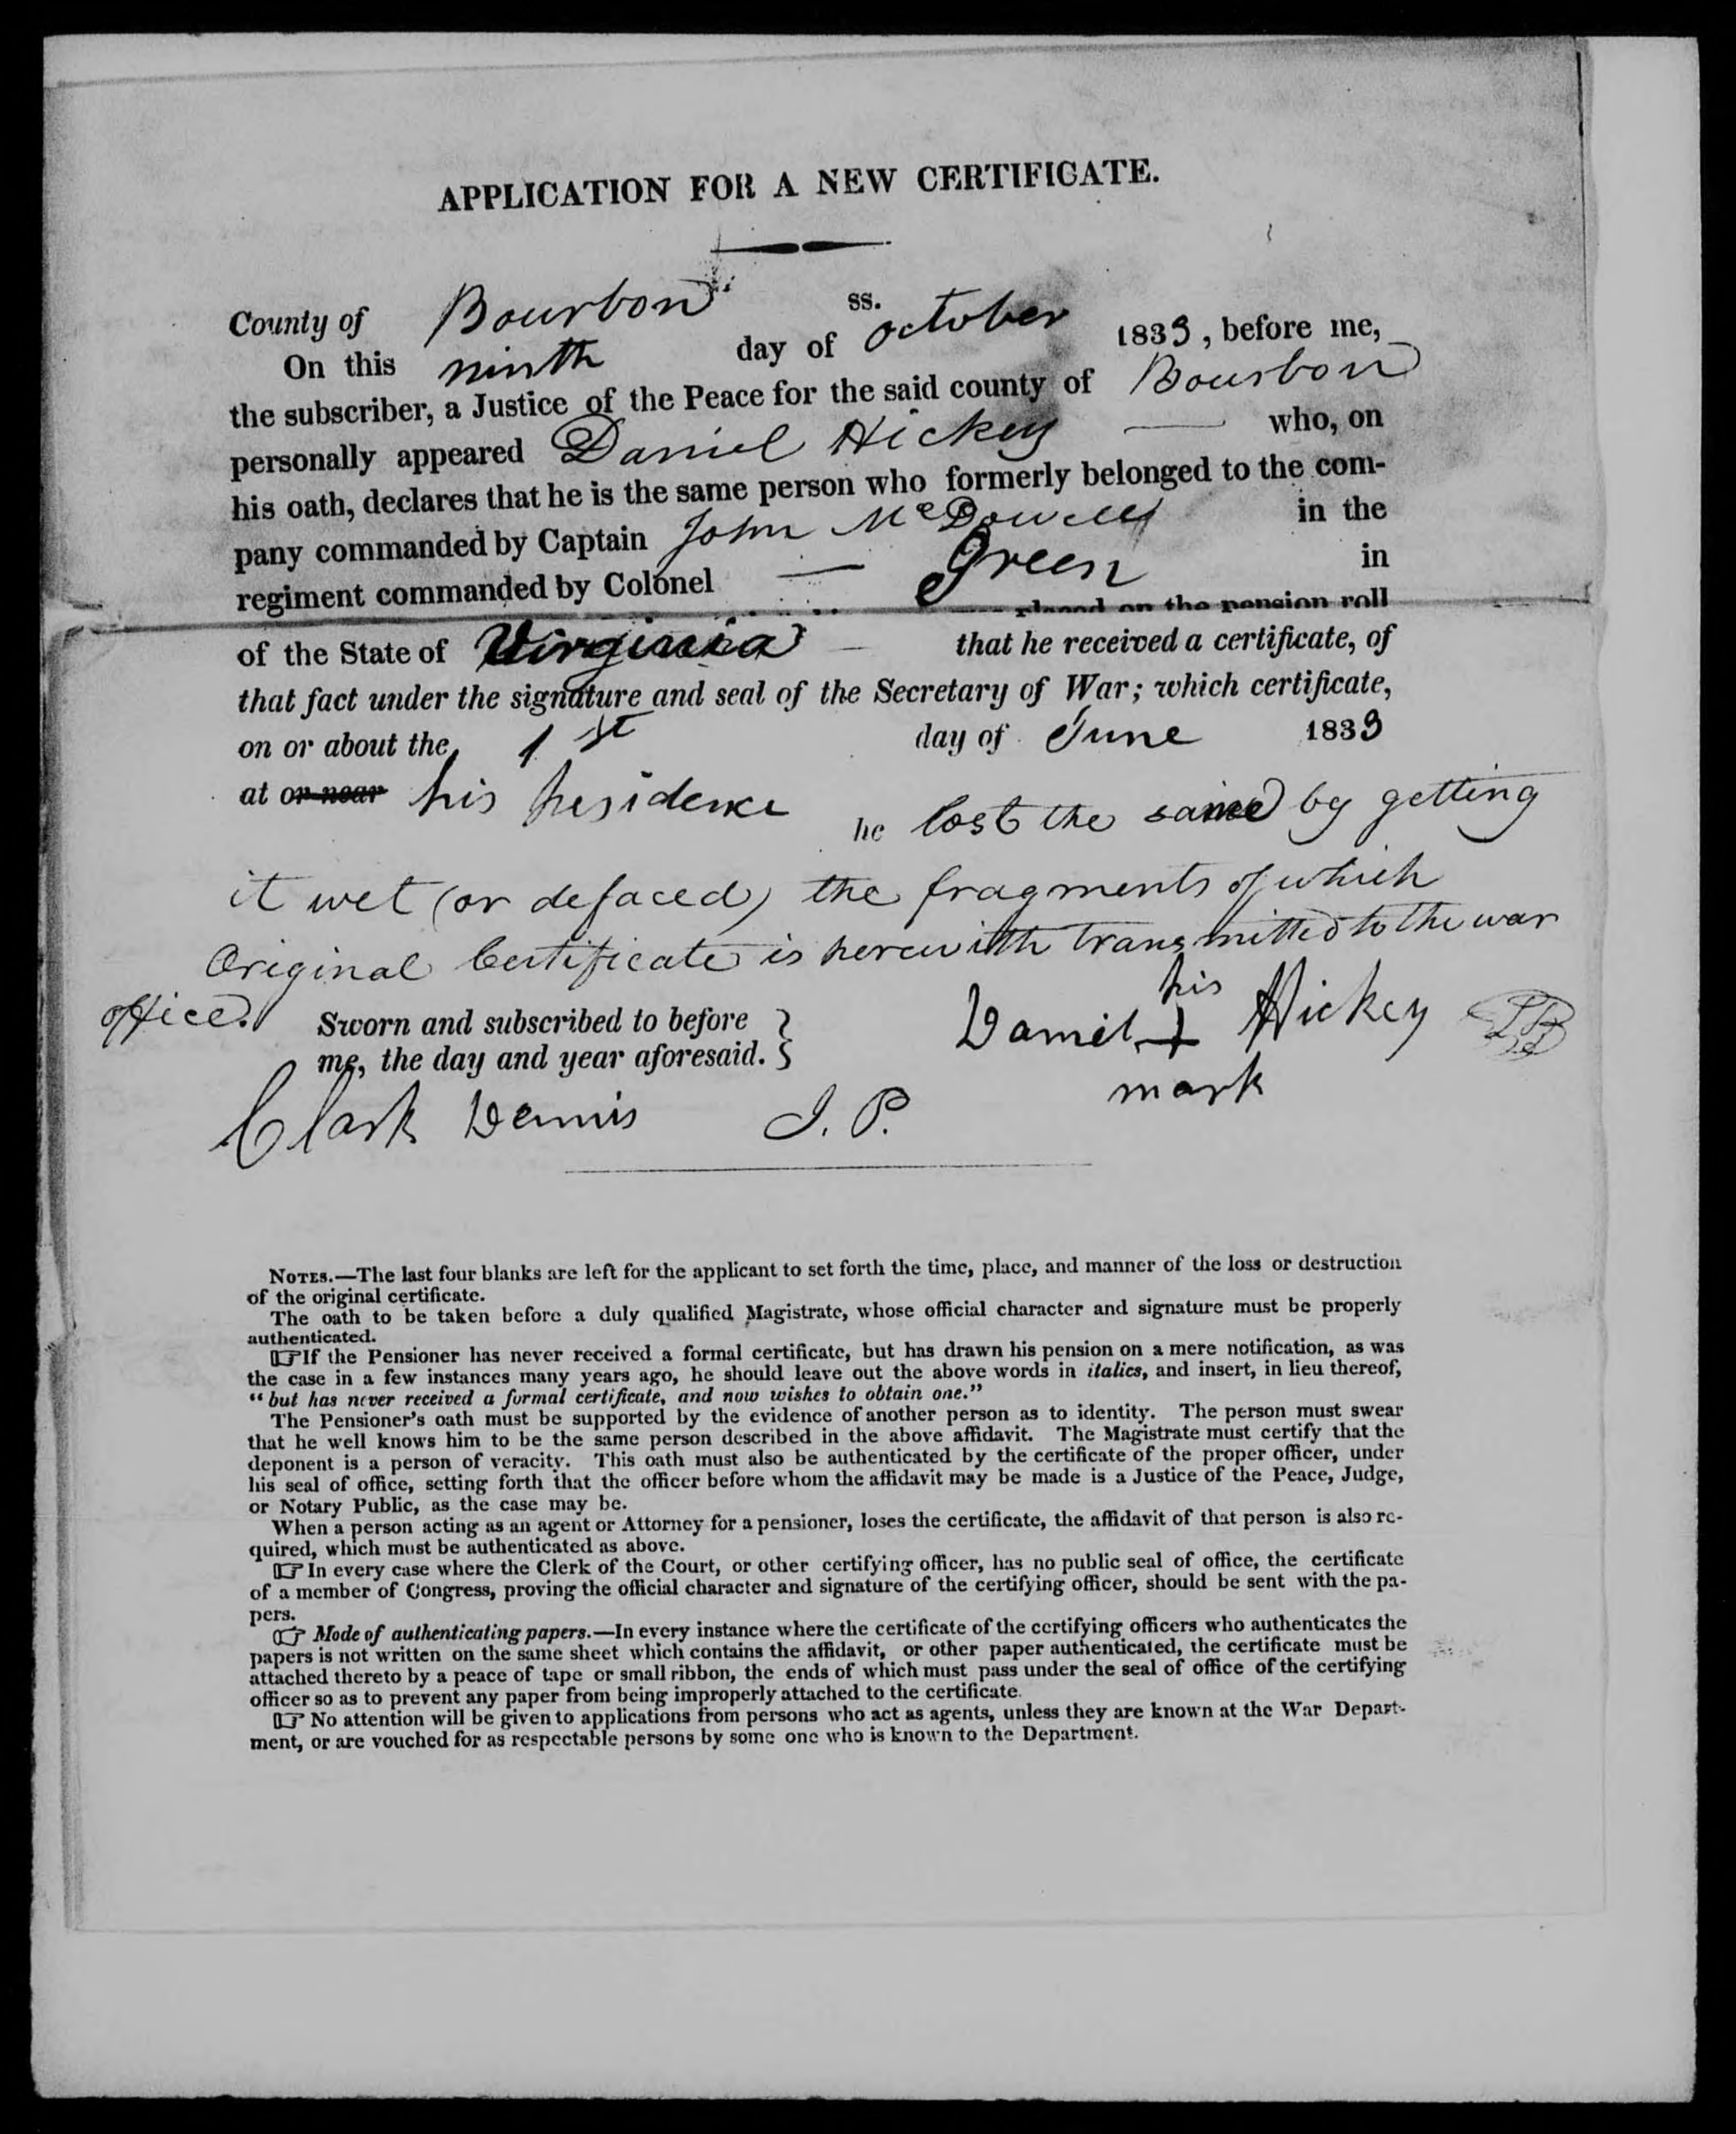Application For A New Certificate

County of Bourbon
On this ninth day of October 1835, before me, the subscriber, a Justice of the Peace for the said county of Bourbon personally appeared Daniel Hickey who, on his oath, declares that he is the same person who formerly belonged to the company commanded by Captain John McDowell in the regiment commanded by Colonel Green in  [Sentence missing as the page is folded.] Of the State of Virginia that he received a certificate, of that fact under the signature and seal of the Secretary of War; which certificate, on or about the 1st day of June 1833 at his residence he lost the same by getting it wet (or defaced) the fragments of which original certificate is herewith transmitted to the war office.
Sworn and subscribed to before me, the day and year aforesaid.
Daniel Hickey (a cross is next to his name, and the words "his mark" is included).
Clark Dennis J.P.

Notes.-The last four blanks are left for the applicant to set forth the time, place, and manner of the loss or destruction of the original certificate.
The oath to be taken before a duly qualified Magistrate, whose official character and signature must be properly authenticated.
If the Pensioner has never received a formal certificate, but has drawn his pension on a mere notification, as was the case in a few instances many years ago, he should leave out the above words in italics, and insert, in lie thereof, "but has never received a formal certificate, and not wishes to obtain one."
The Pensioner's oath must be supported by the evidence of another person as to identify.  The person must swear that he well knows him to be the same person described in the above affidavit.  The Magistrate must certify that the deponent is a person of veracity.  This oath must also be authenticated by the certificate of the proper officer, under his seal of office, setting forth that the officer before whom the affidavit may be made is a Justice of the Peace, Judge, or Notary Public, as the case may be.
When a person acting as an agent or Attorney for a pensioner, loses the certificate, the affidavit of that person is also required, which must be authenticated as above.
In every case where the Clerk of the Court, or other certifying officer, has no public seal of office, the certificate of a member of Congress, proving the official character and signature of the certifying officer, should be sent with the papers.
Mode of authenticating papers.-In every instance where the certificate of the certifying officers who authenticates the papers is not written on the same sheet which contains the affidavit, or other paper authenticated, the certificate must be attached thereto by a peace of tape or small ribbon, the ends of which must pass under the seal of office of the certifying officer as to prevent any paper from being improperly attached to the certificate.
No attention will be given to applications from persons who act as agents, unless they are known at the War Department, or are vouched for as respectable persons by some one who is known to the Department.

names: John Mc Dowell, Daniel Hickey, Clark Dennis, Daniel Hickey, Green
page: 71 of 84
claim: widow's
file: W. 7744, Daniel Hickey, Penn.